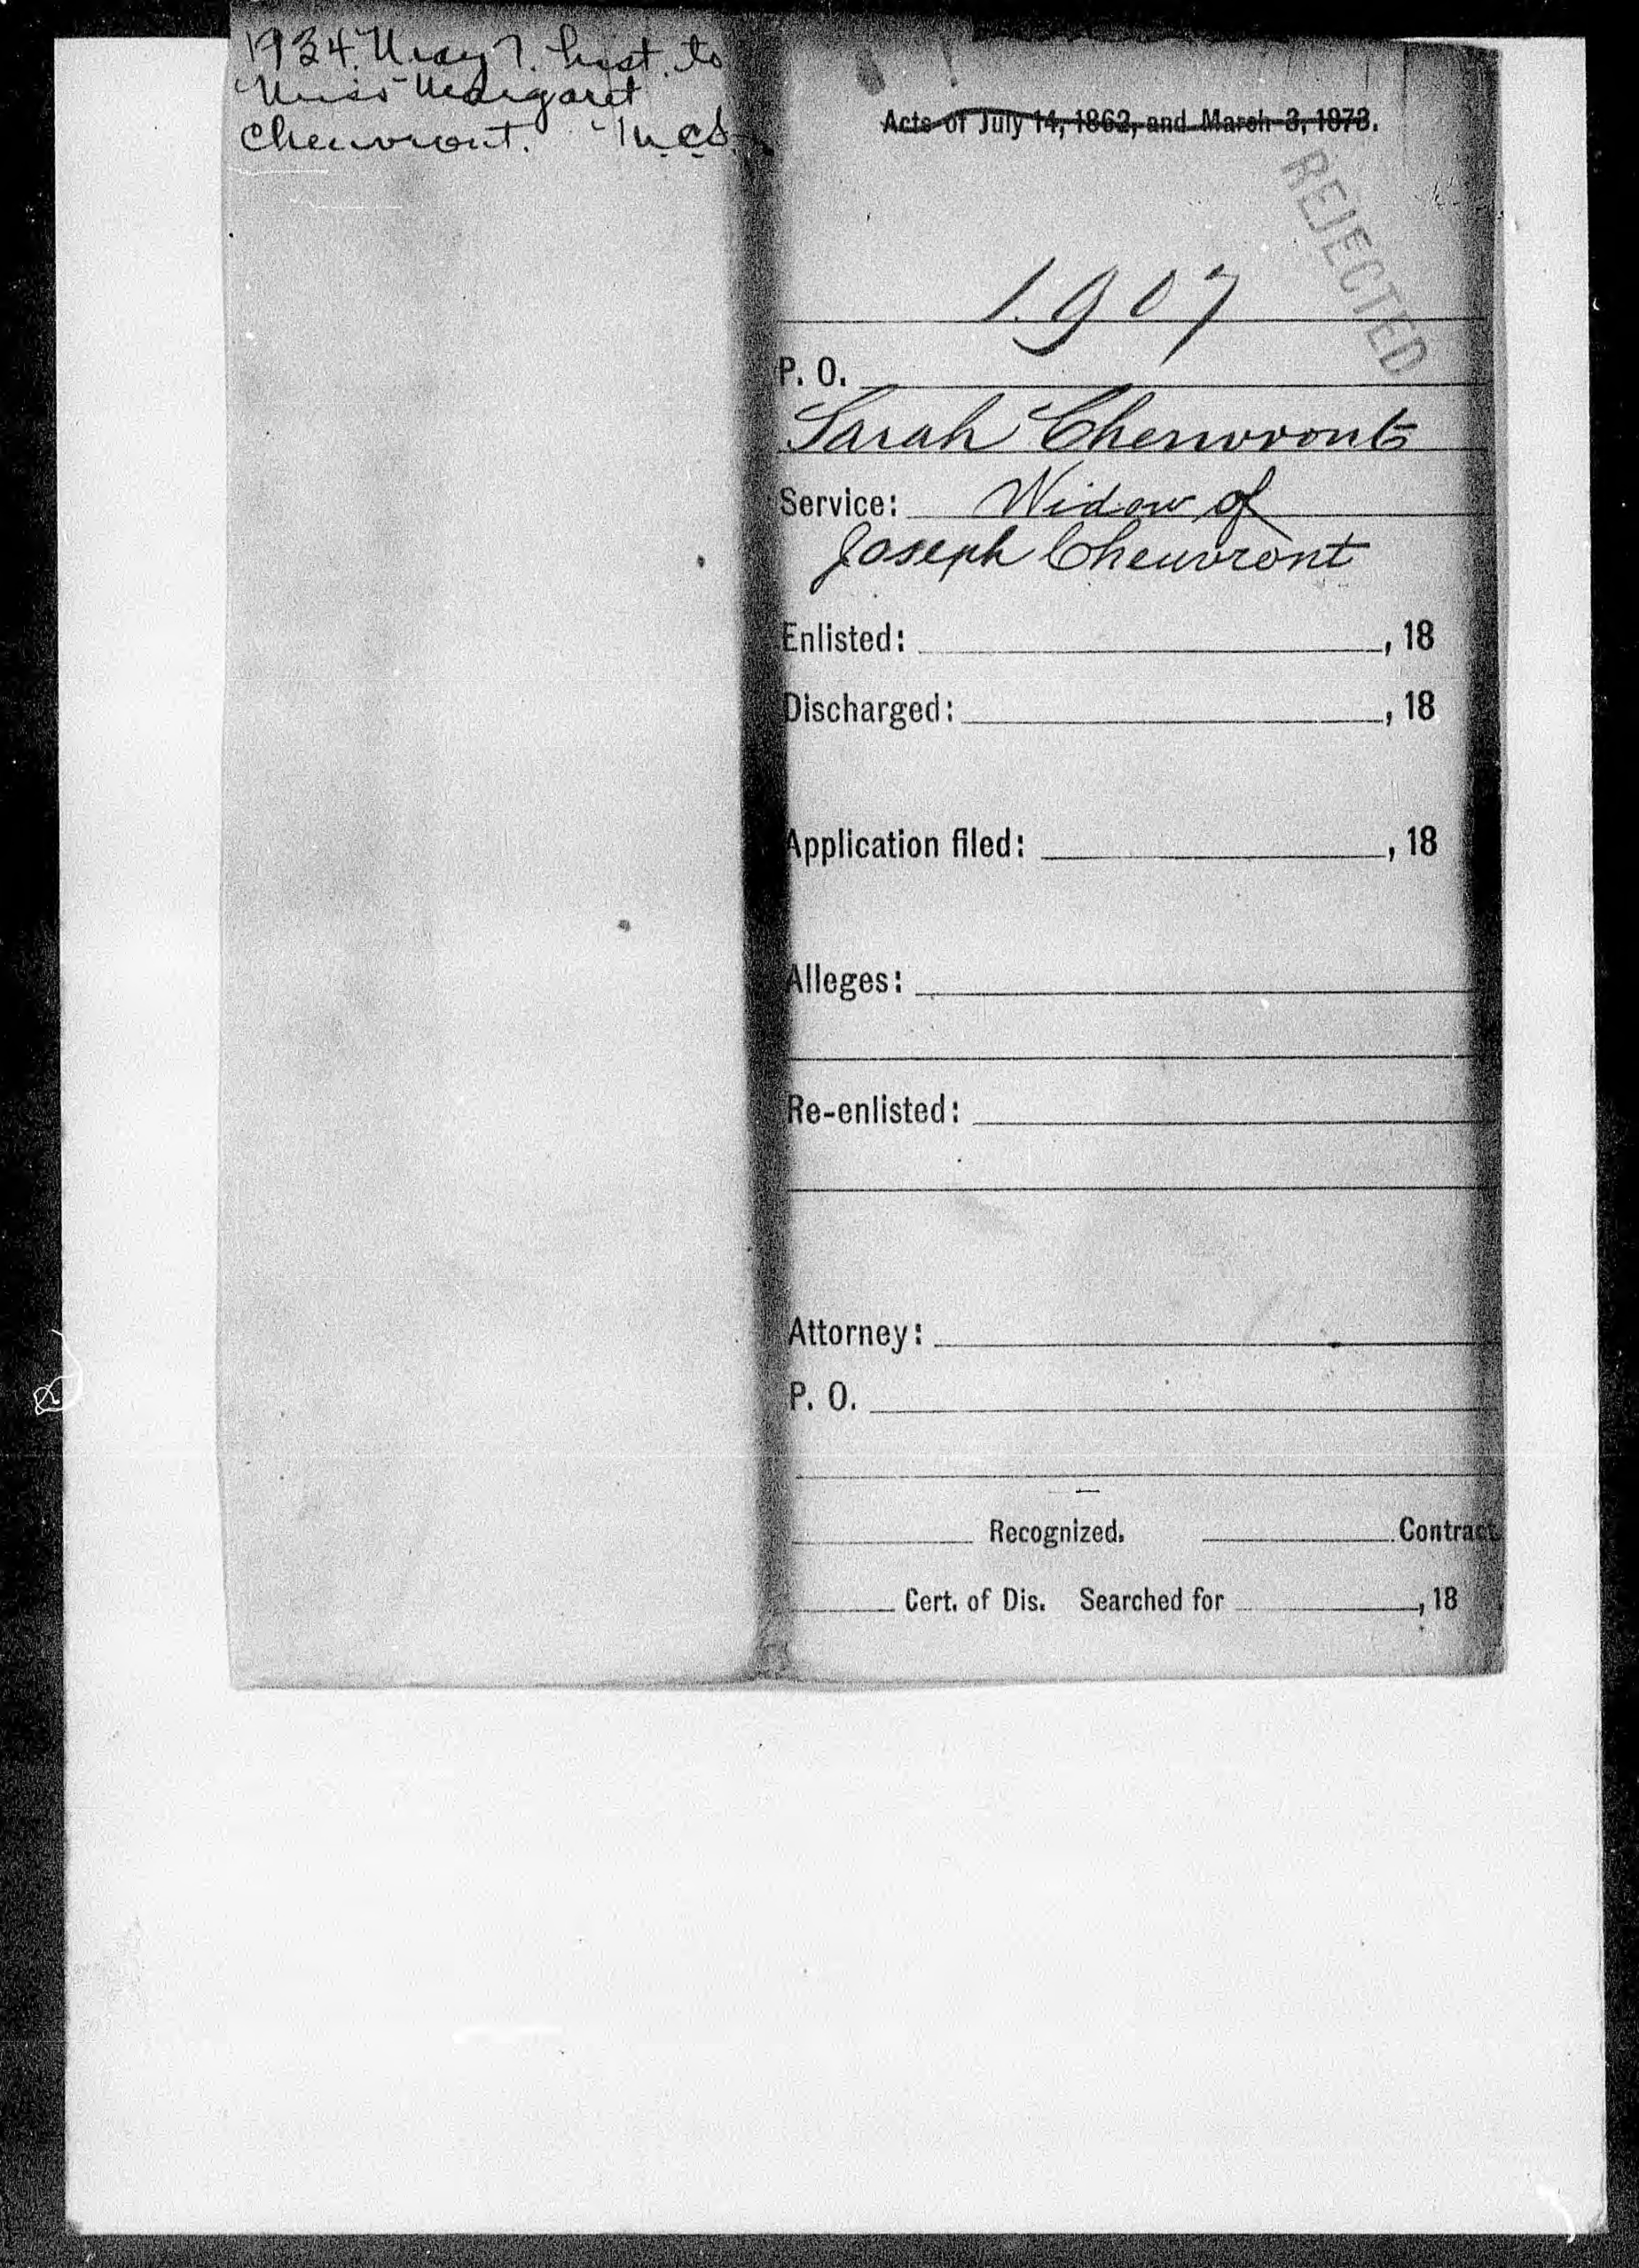1934 May. First to
Miss Margaret
Chenout, Mich
[above tex is in 
the upper left hand corner]



July 4, 1862, and March 3, 1873.
[is lined out and stamped REJECTED]
1907
---
Sarah Cheuvront
Service: Widow of
Joseph Cheuvront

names: Sarah Cheuvront, Margaret Cheuvront, Joseph Cheuvront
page: 16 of 21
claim: rejected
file: R. 1,907, Joseph Cheuvront, Va.